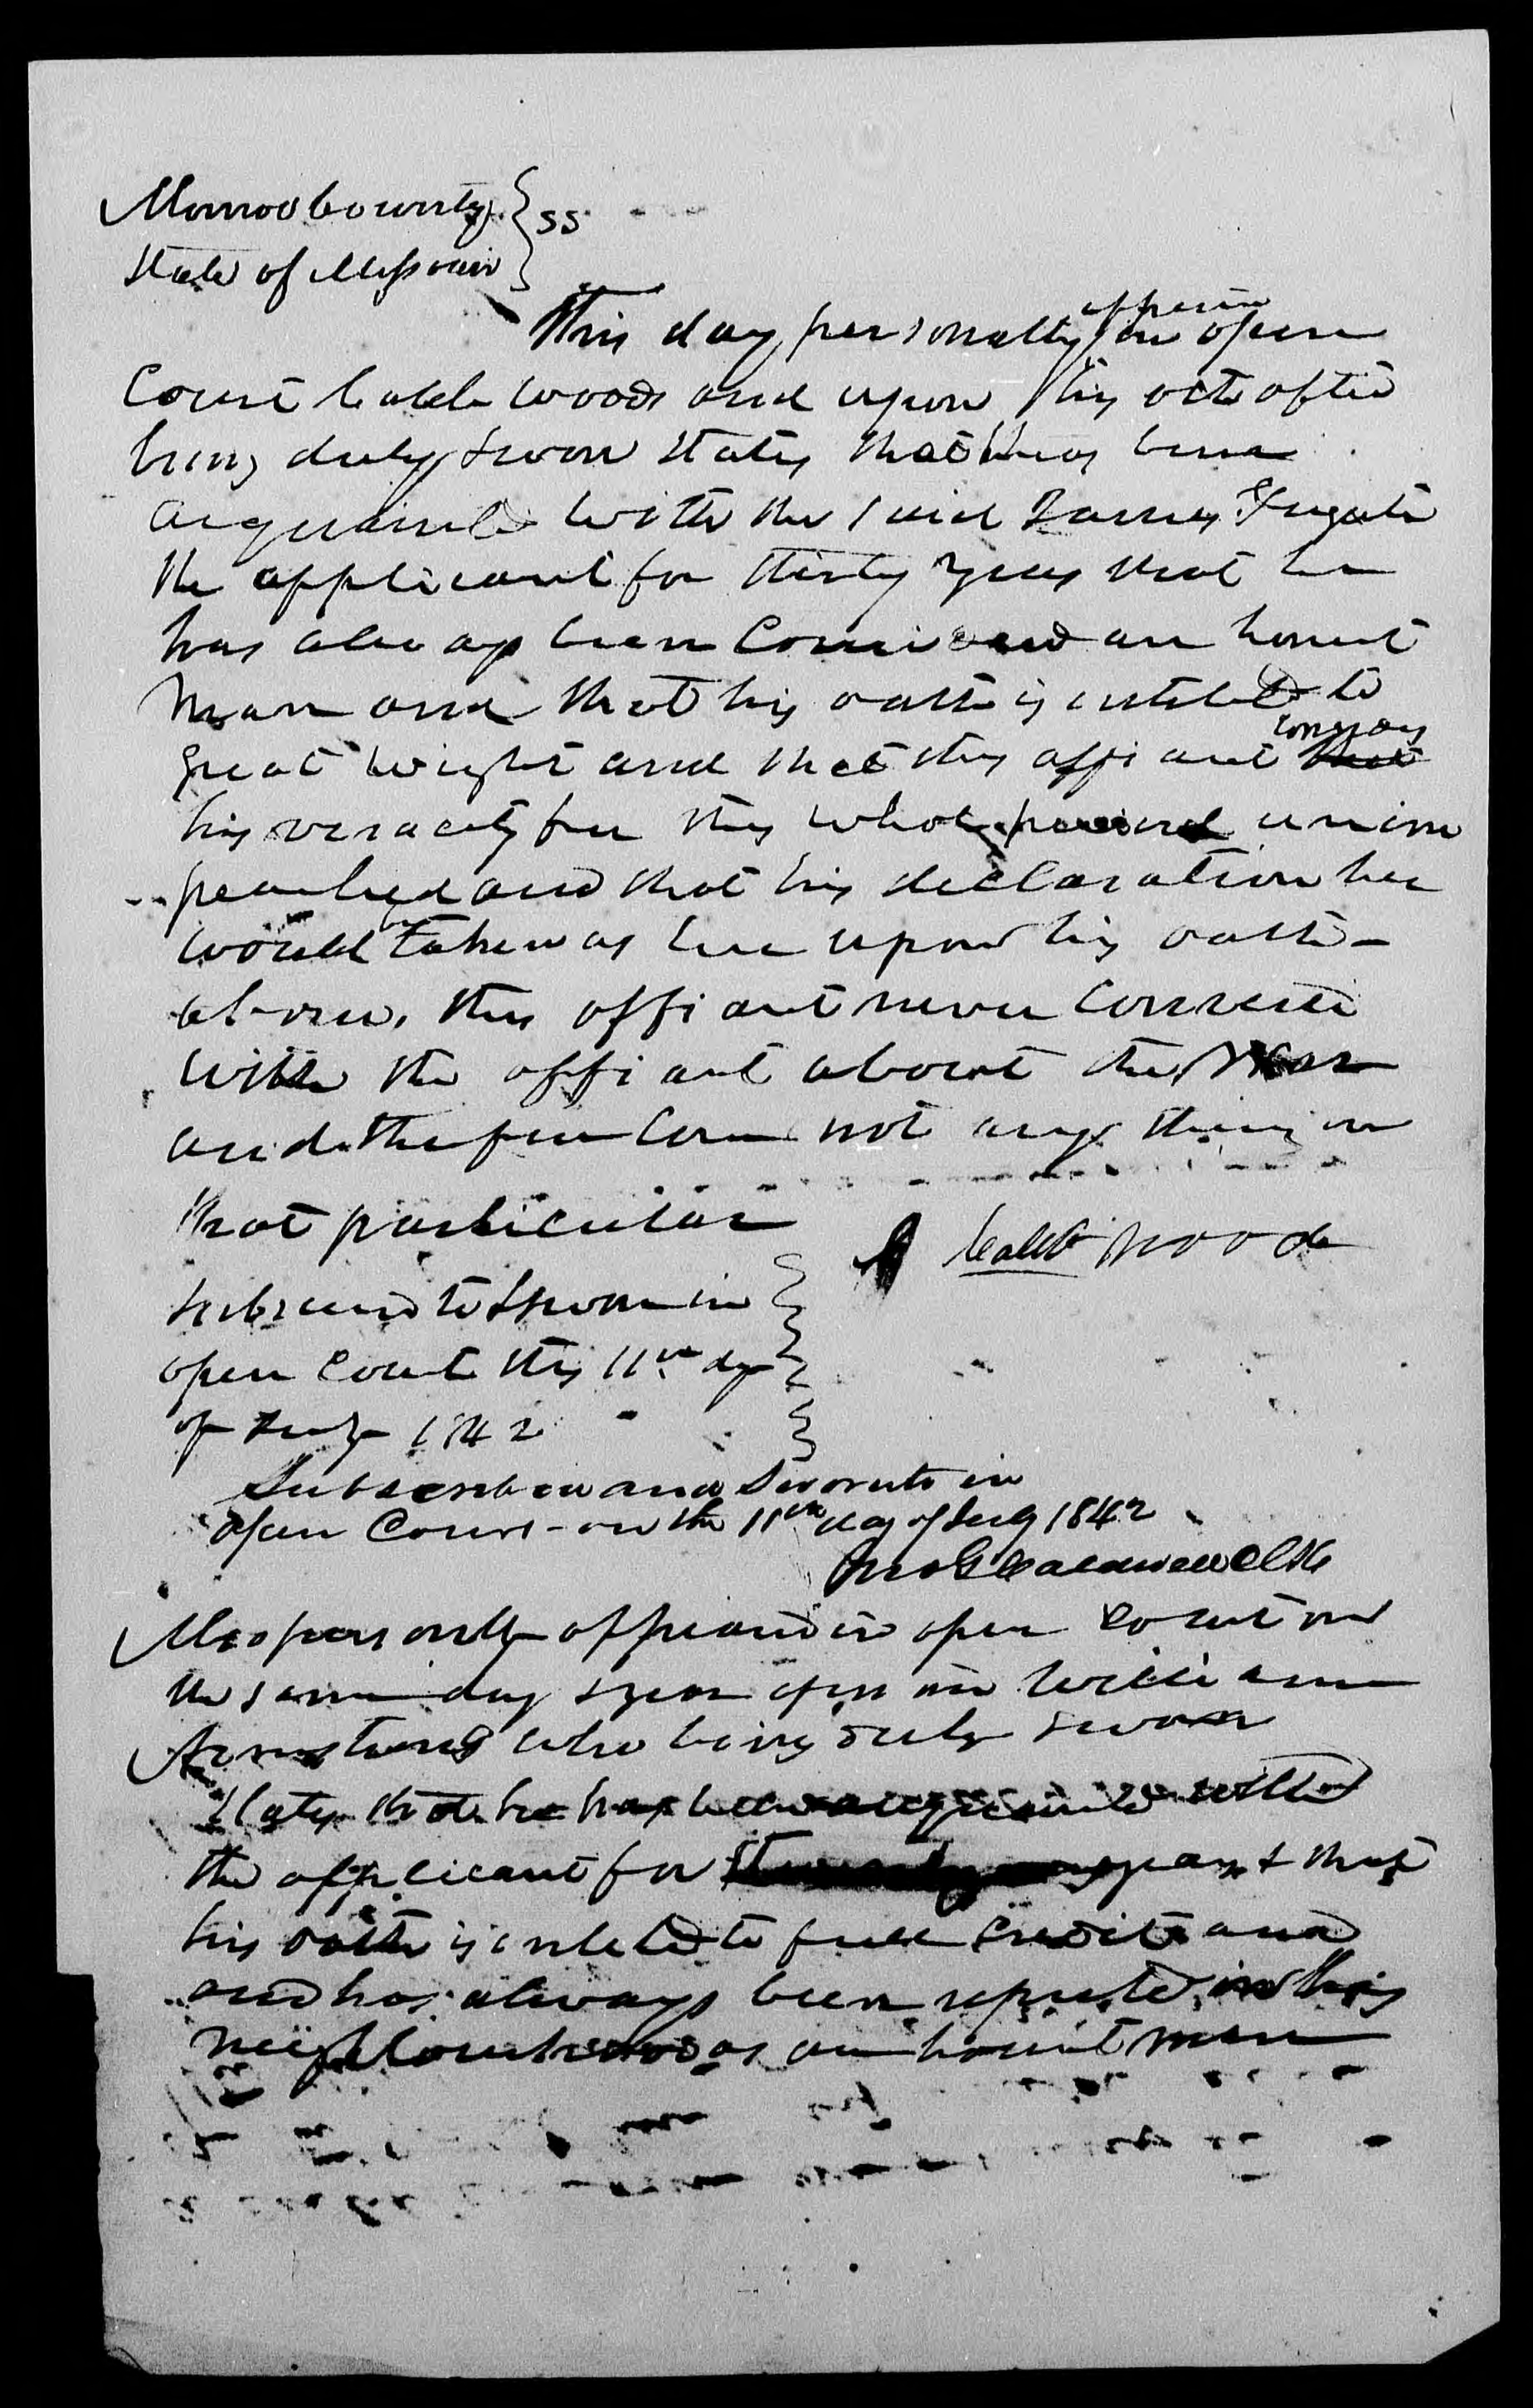Monroe County
State of Missouri
This day personally appears in open court Caleb Woods and upon his oath after him duly sworn states that they came acquainted with the said James Fugate the applicant for thirty years that he has always been considered an honest man and that his oath is [illegible] to great height and that this affiant enjoys his veracity for this wholy [ink-smudged][illegible] unimpeached and that his declaration here would be taken as true upon his oath – [illegible], this affiant never [illegible] with the affiant about the War and the [illegible] not any thing in that particular
subs and to sworn in open court this 11th day of July 1842
[signed] Caleb Woods
Subscribed and Sworn to in open court – on the 11th day of July 1842 
[signed] Jno G Caldwell
[illegible] personally appeared in open court on the same day [and] year [illegible] William Armstrong who being duly sworn [ink-smudged][illegible] that he has been acquainted with the applicant for [ink-smudged][illegible] years [and] that his oath is [illegible] to full credit and and has always been repeated in this neighborhood as an honest man 
[ink-smudged][illegible sentence]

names: William Armstrong, James Fugate, Jno G Caldwell, Caleb Wood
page: 13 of 18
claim: survivor's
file: S. 15,846, James Fugate, Va.